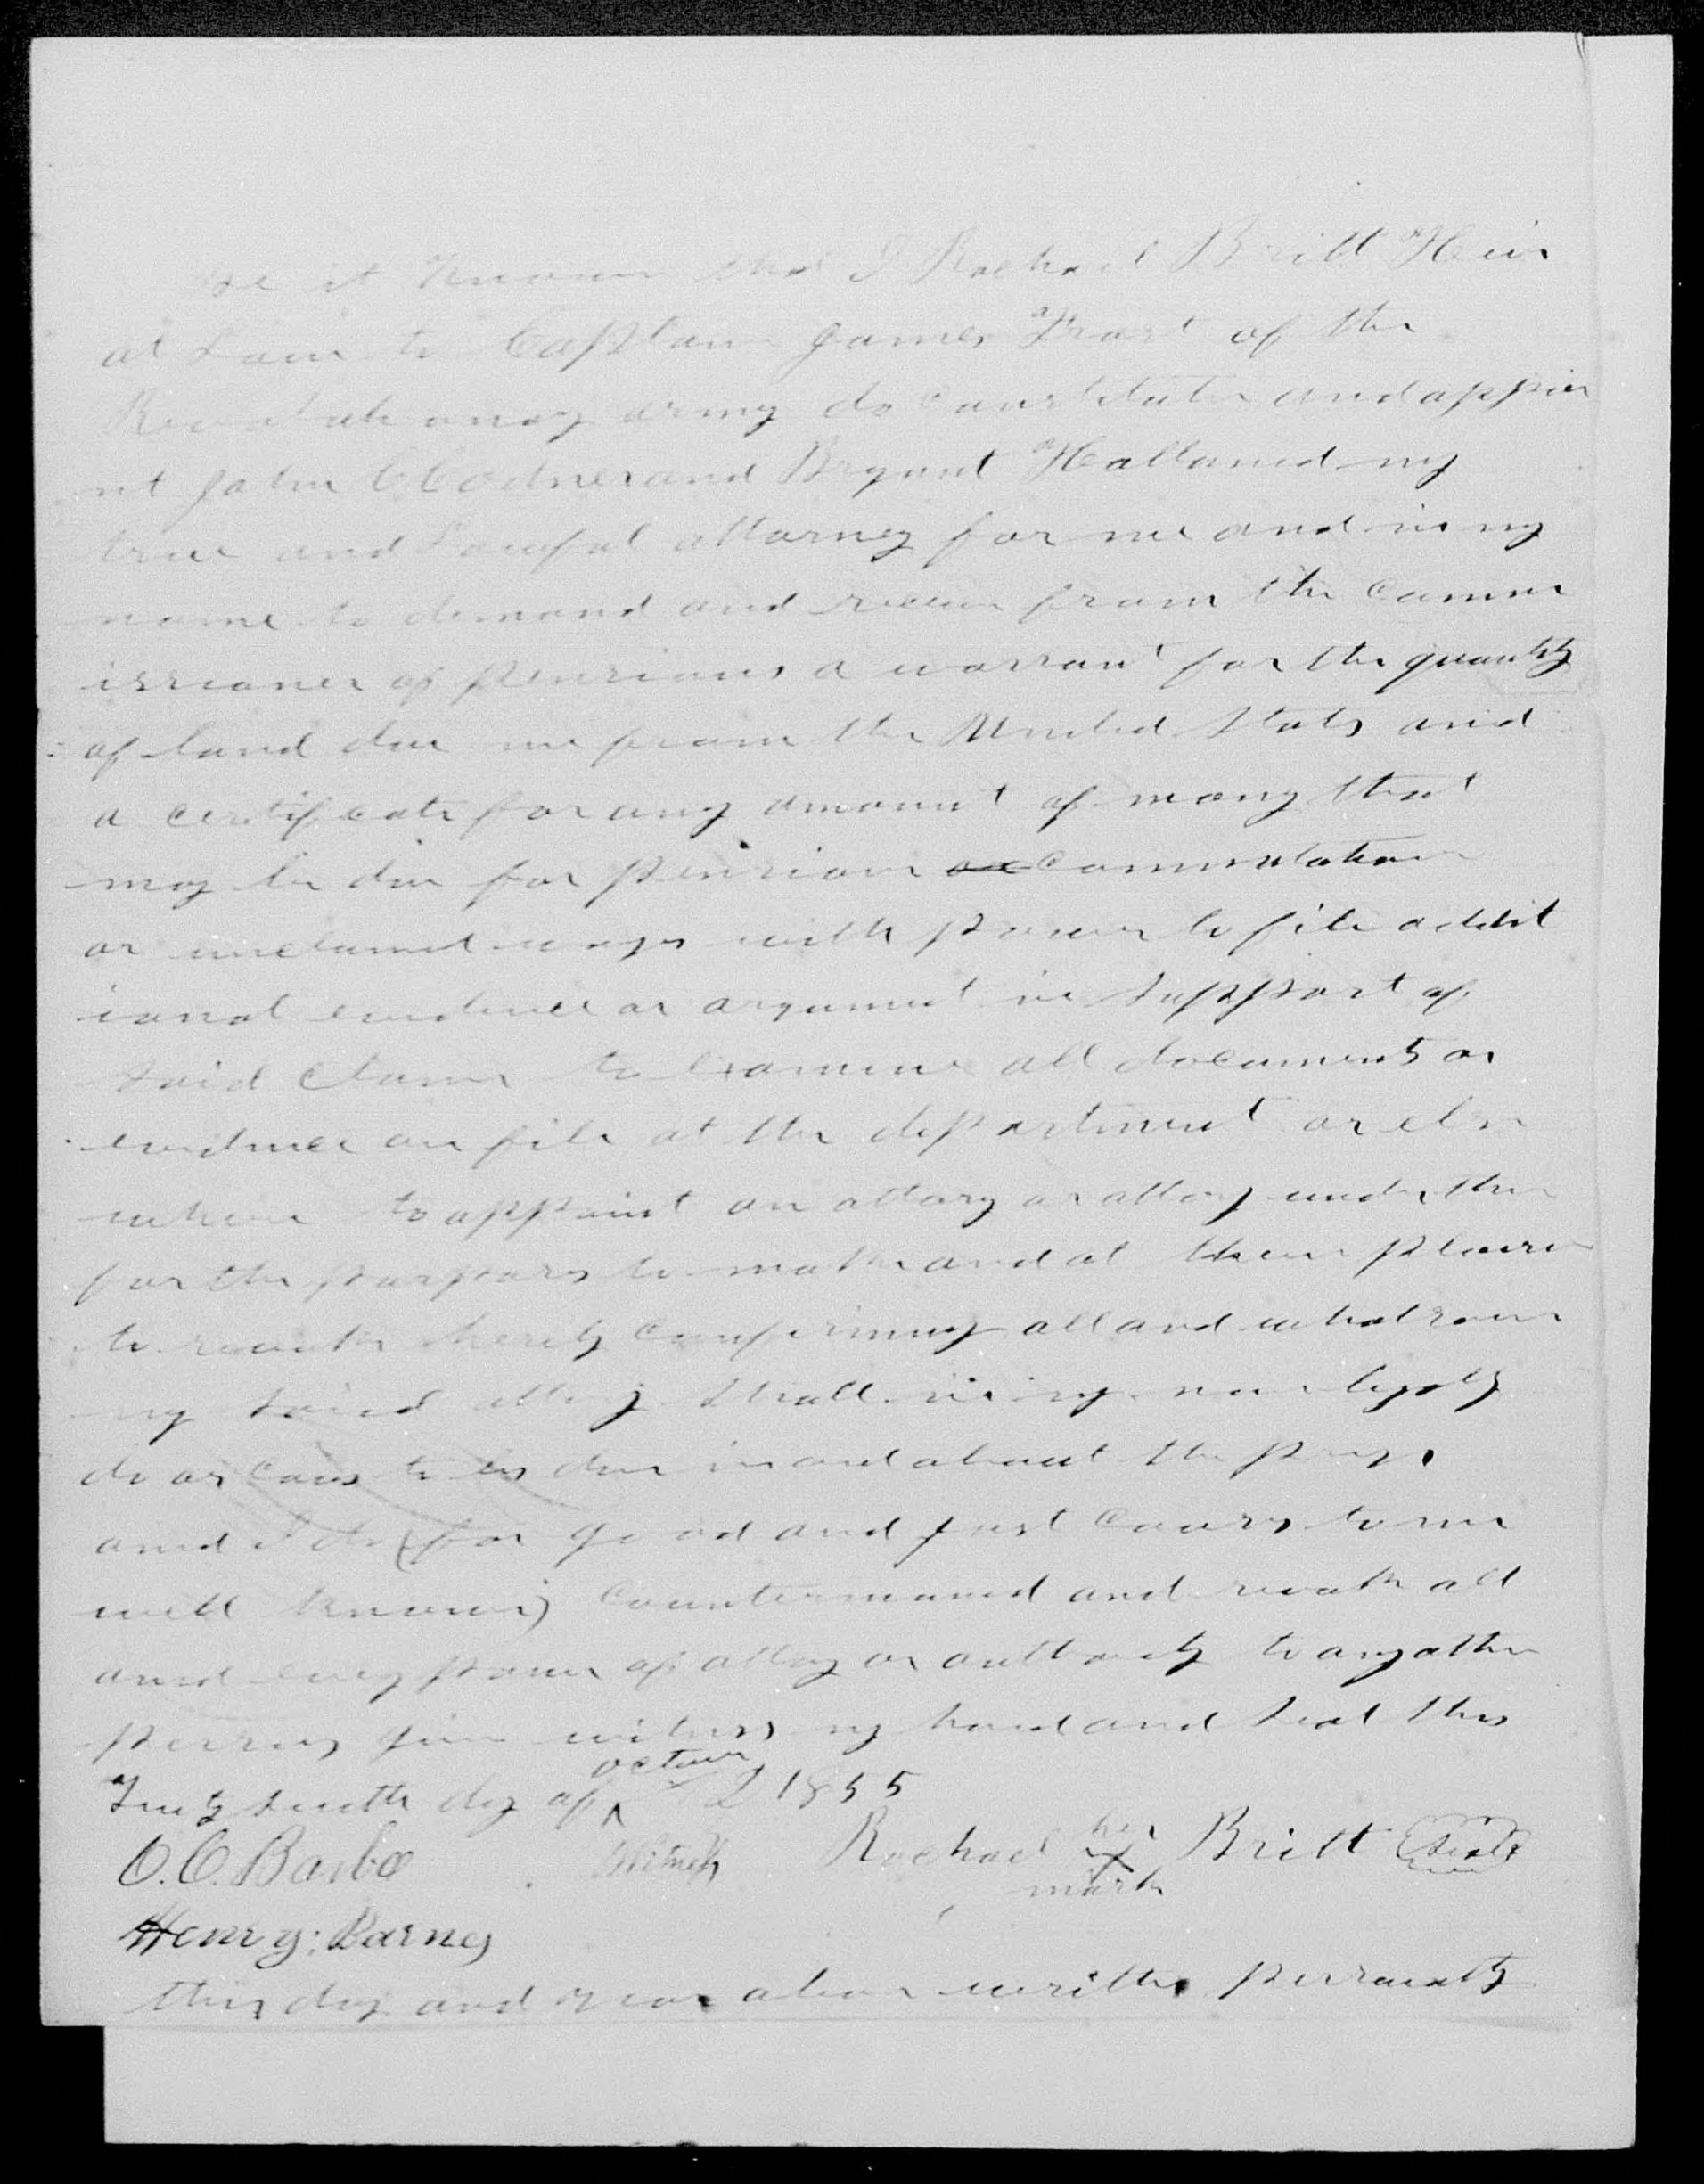Be it known that I Rachel Britt Heir at Law to Captain James Frost of the Revolutionary Army do constitute and appoint John C. Costner and Bryant Heathwood my true and lawful attorney for me and in my name to demand and reclaim from the Commissioner of Pensions a warrant for the quantity of land due me from the United States and a certificate for any amount of money that may be due for pension commutation or unclaimed moneys with power to file a testimonial evidence or argument in Support of said claim to examine all documents or evidence and file at the department or elsewhere to appoint [unreadable] or attorney under the further purposes to make and at their pleasure to [unreadable] hereby confirming all and whatever my said attorney shall in my name legally [unreadable] to his [unreadable] in and about the [unreadable] (for good and just cause to run will known) Countermand and revoke all and every power of attorney or authority to any other persons.  Given witness my hand and seal this Twenty seventh day of October 1855.
O. C. Barbee
Rachel Britt [her mark] [seal]
Henry Barney
This day and year above written [unreadable]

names: Rachael Britt, Henry Barnes, John C Codner, Rachael Britt, O C Barbee, Bryant Holland, James Frost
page: 14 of 15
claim: rejected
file: R. 3815, James Frost, N.C.